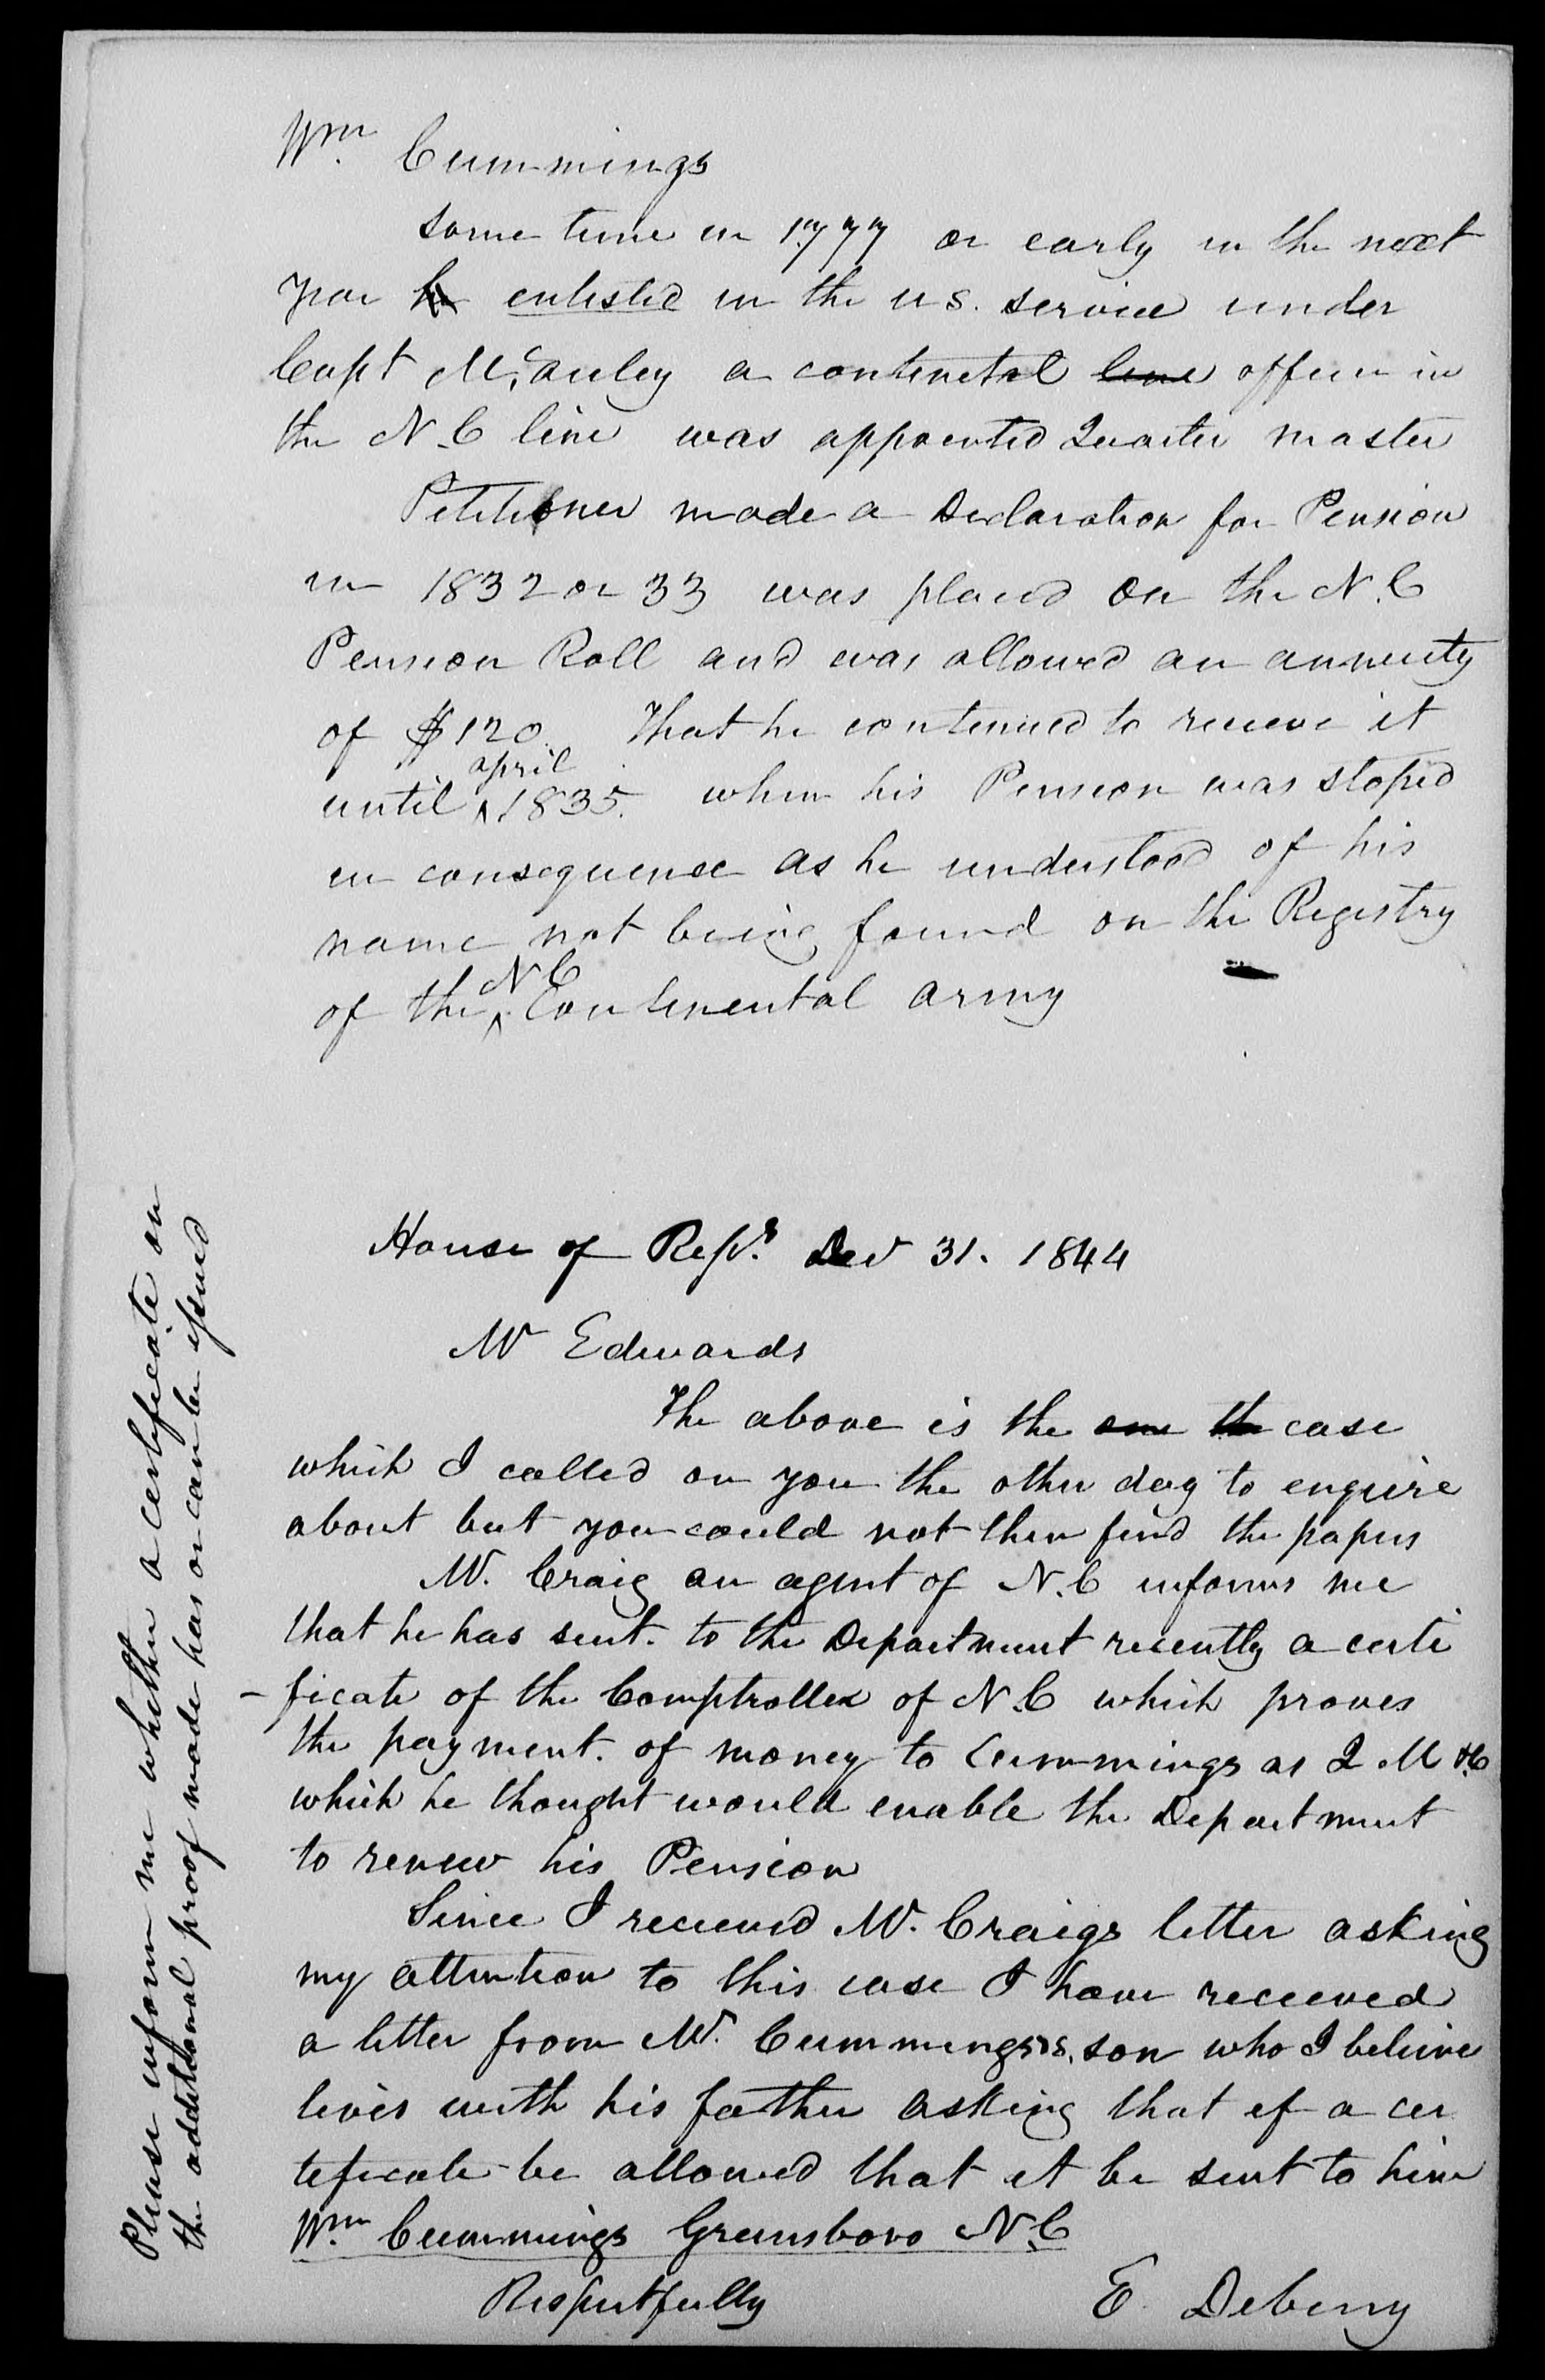[Handwritten record]

Wm. Cummings

Some time in 1777 or early in the next year [here the word "he" was stricken through, and the following word is underlined:] enlisted in the U.S. Service under Capt Mcauley a continetal [Continental] [here the word "line" was stricken through] officer in the N.C line was appointed Quarter master

Petitioner made a Declaration for Pension in 1832 or 33 [1833] was placed on the N.C Pension Roll and was allowed an annuity of $120.  That he continued to receive it until ^April 1835. when his Pension was stoped [stopped] in consequense as he understood of his name not being found on the Registry of the ^NC Continental army

[In darker ink]
House of Reps. [Representatives] Decr. [December] 31. 1844

Mr. Edwards

The above is the [here there are two stricken through words which appear to be "sam the"] case which I called on you the other day to enquire about but you could not then find the papers

Mr. Craig as agent of N.C informs me that he has sent. to the Department recently a certificate of the Comptroller of N.C. which proves the payment. of money to Cummings as Q.M.&C [Quarter Master and etcetera] which he thought would enable the Department to renew his Pension

Since I received Mr. Craigs letter asking my attention to this case I have received a letter from W. Cummings's son who I believe lives with his father Asking that if a certificate be allowed that it be sent to him [here the rest of this sentence is underlined:] Wm. Cummings Greensboro N.C

Respectfully
E. Deberry

[Written perpendicularly, near the left side margin, there is:] 
Please inform me whether a certificate on the additional proof made has or can be issued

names: Craigs, E Deberry, Wm Cummings, Edwards, Cummings, Mc Auley, Wm Cummings, Cummings, Craig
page: 114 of 145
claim: survivor's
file: S. 8265, William Cumming, N.C.